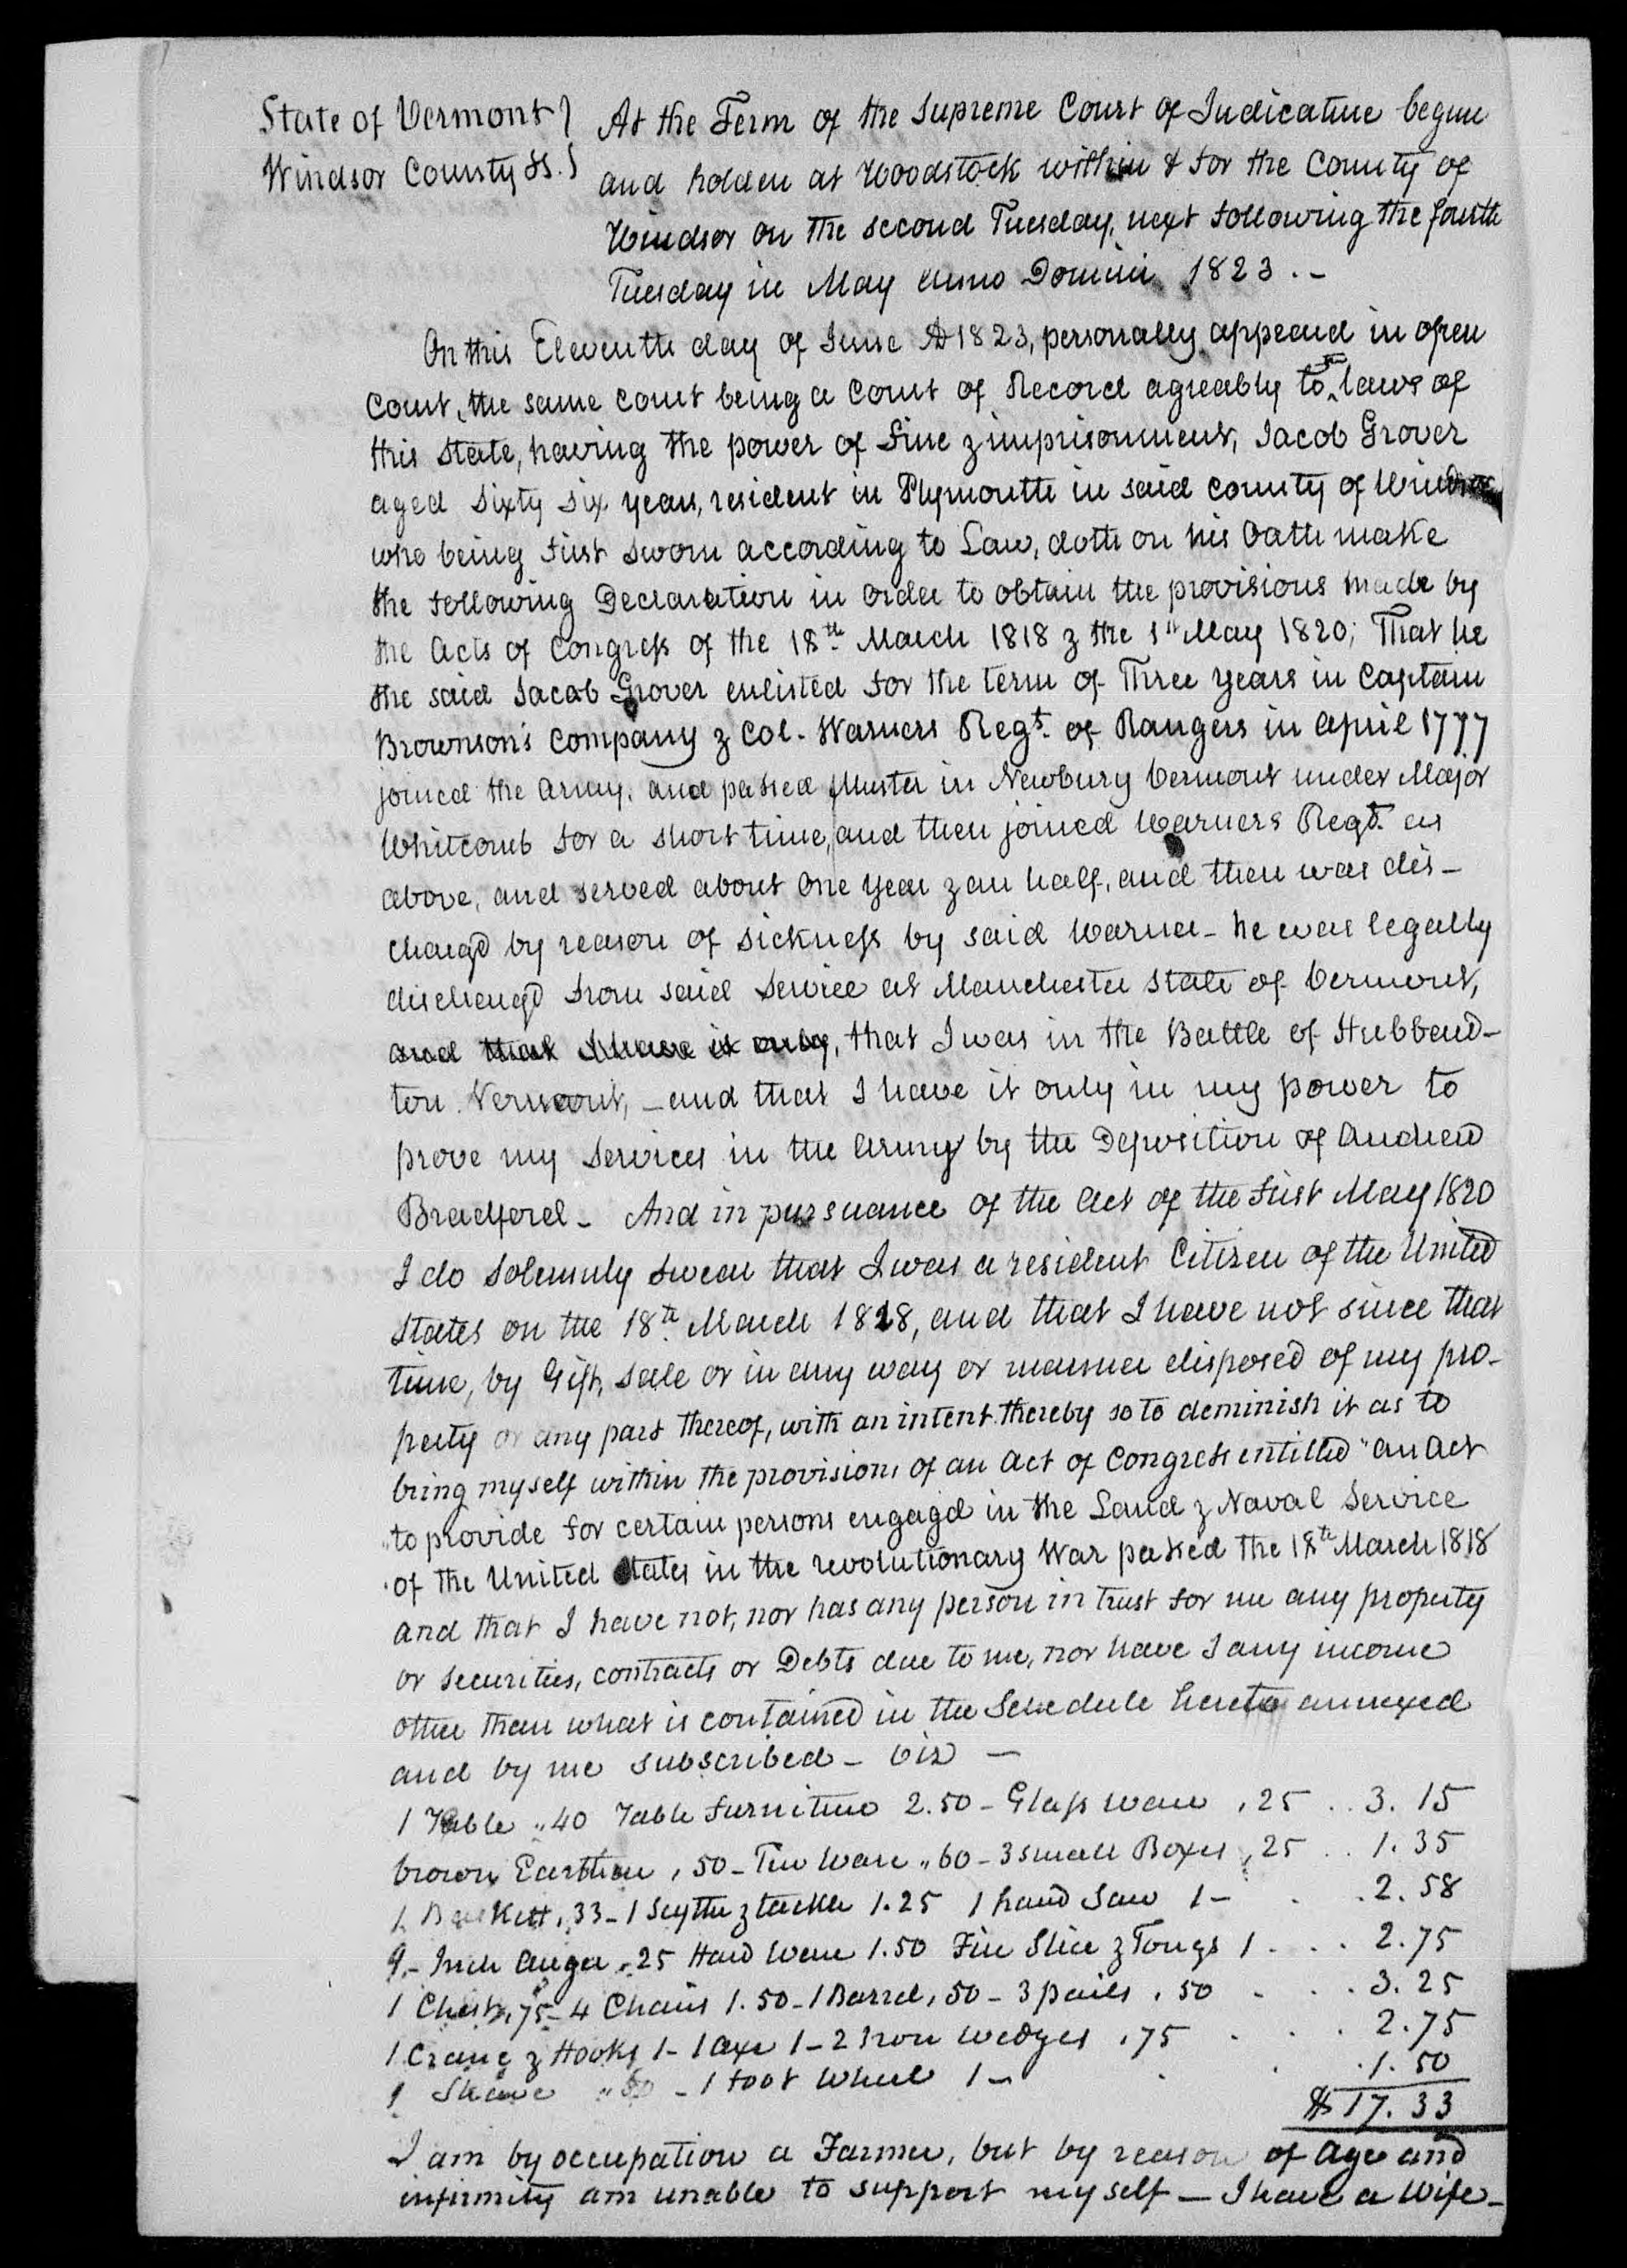State of Vermont
Windsor County ss.

At the Term of the Supreme Court of Judicature begun and holden at Woodstock within & for the County of Windsor on the second Tuesday, next following the fourth Tuesday in May anno Domini 1823.

On the Eleventh day of June A 1823, personally appeared in open court, the same court being a Court of Record agreeably to the laws of this state, having the power of fine z. imprisonment, Jacob Grover aged sixty six years, resident of Plymouth in said county of Windsor who being first sworn according to Law, doth on his oath make the following Declaration in order to obtain the provisions made by the Acts of Congress of the 18th March 1818 z the 1 May 1820; That he the said Jacob Grover enlisted for the term of Three years in Captain Brownson's Company z Col. Warners Regt of Rangers in April 1777 joined the army and passed muster in Newbury Vermont under Major Whitcomb for a short time and there joined Warners Regt as above, and served about one year z an half, and there was discharged by reason of sickness by said Warner - he was legally discharged from said service at Manchester state of Vermont, (crossed out: and that I have illegible) that I was in the Battle of Hubbardton Vermont - and that I have it only in my power to prove my services in the army by the Deposition of Andrew Bradford. And in pursuance of the Act of the first May 1820 I do solemnly swear that I was a resident Citizen of the United States on the 18 March 1828, and that I have not since that time, by Gift, sale or in any way or measure disposed of my property or any part thereof, with an interest thereby so to deminish it as to bring myself within the provisions of an act of Congress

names: Whitcomb, Warner, Jacob Grover, Jacob Grover, Andrew Bradford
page: 4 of 22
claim: survivor's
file: S. 38777, Jacob Grover, Continental (Vt.)